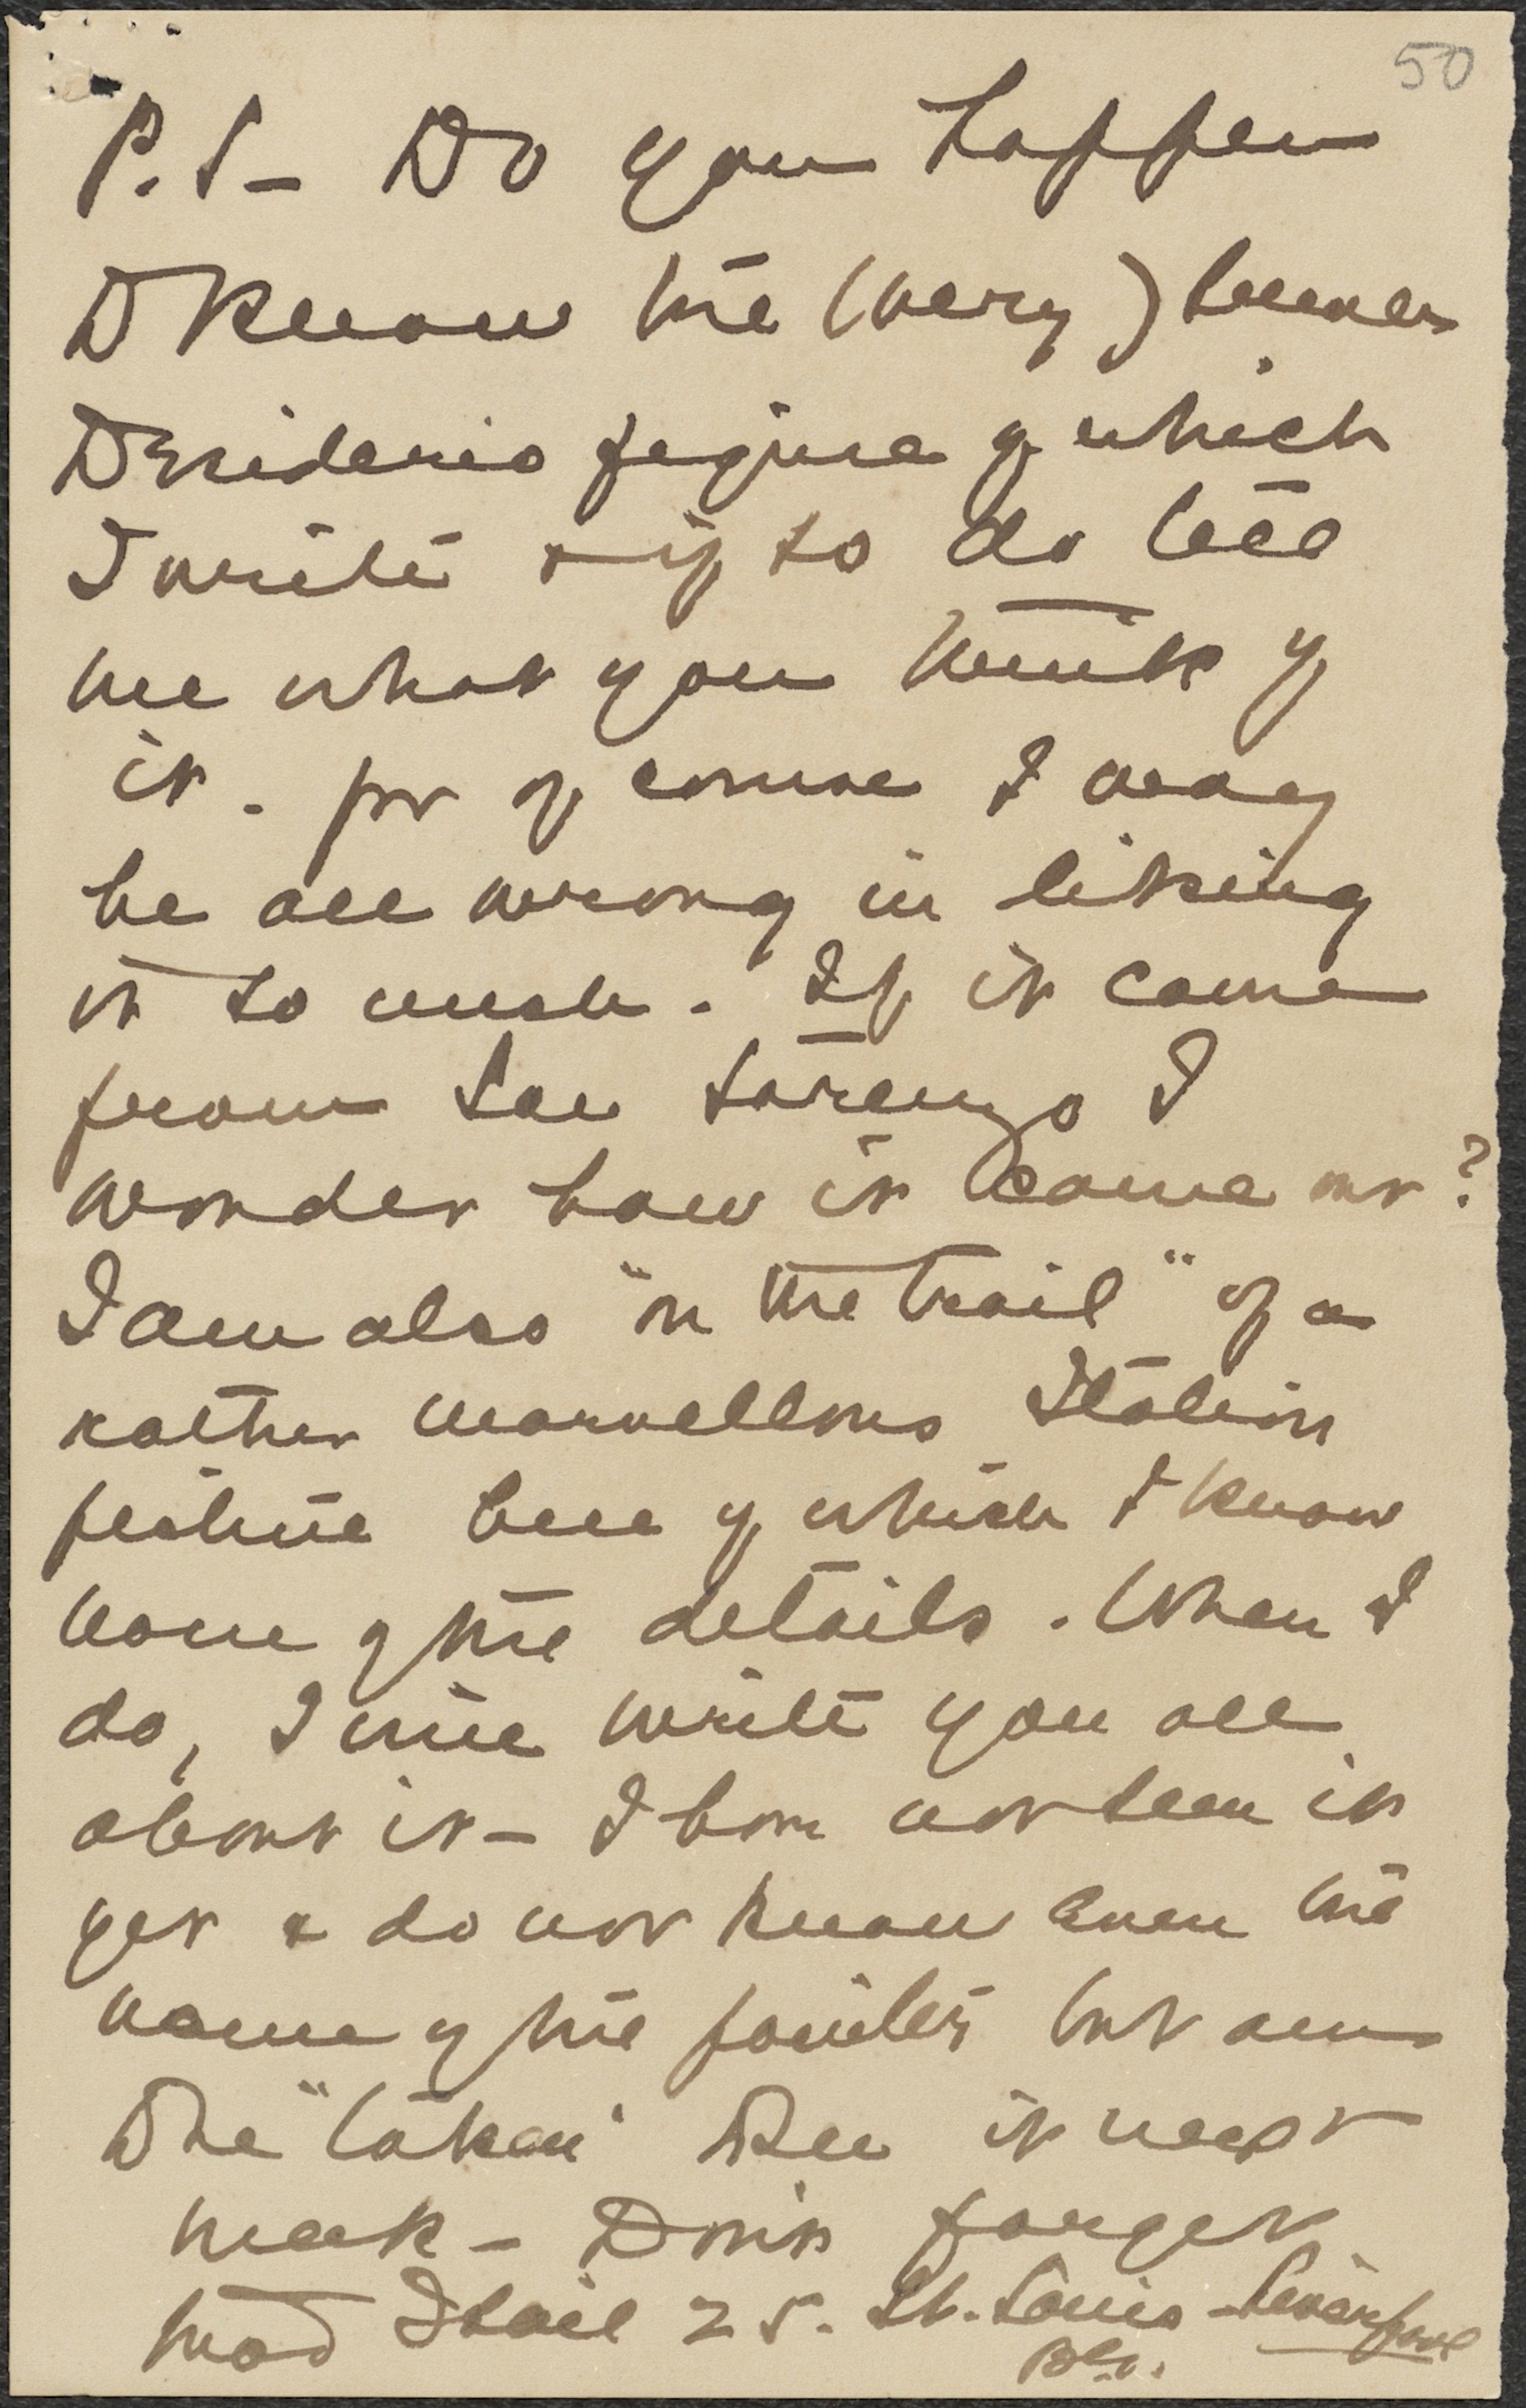P.S – Do you happen to know the (very) slender Desiderio figure of which I write & if so do tell me what you think of it – for of course I may be all wrong in liking it so much. If it came from San Lorenzo I wonder how it came out? I am also "on the trail" of a rather marvellous [sic] Italian picture here of which I know none of the details. When I do, I will write you all about it – I have not seen it yet & do not know even the name of the painter but am to be "taken" to see it next week – Don't forget that I sail 25. St. Louis Liverpool
B.G.